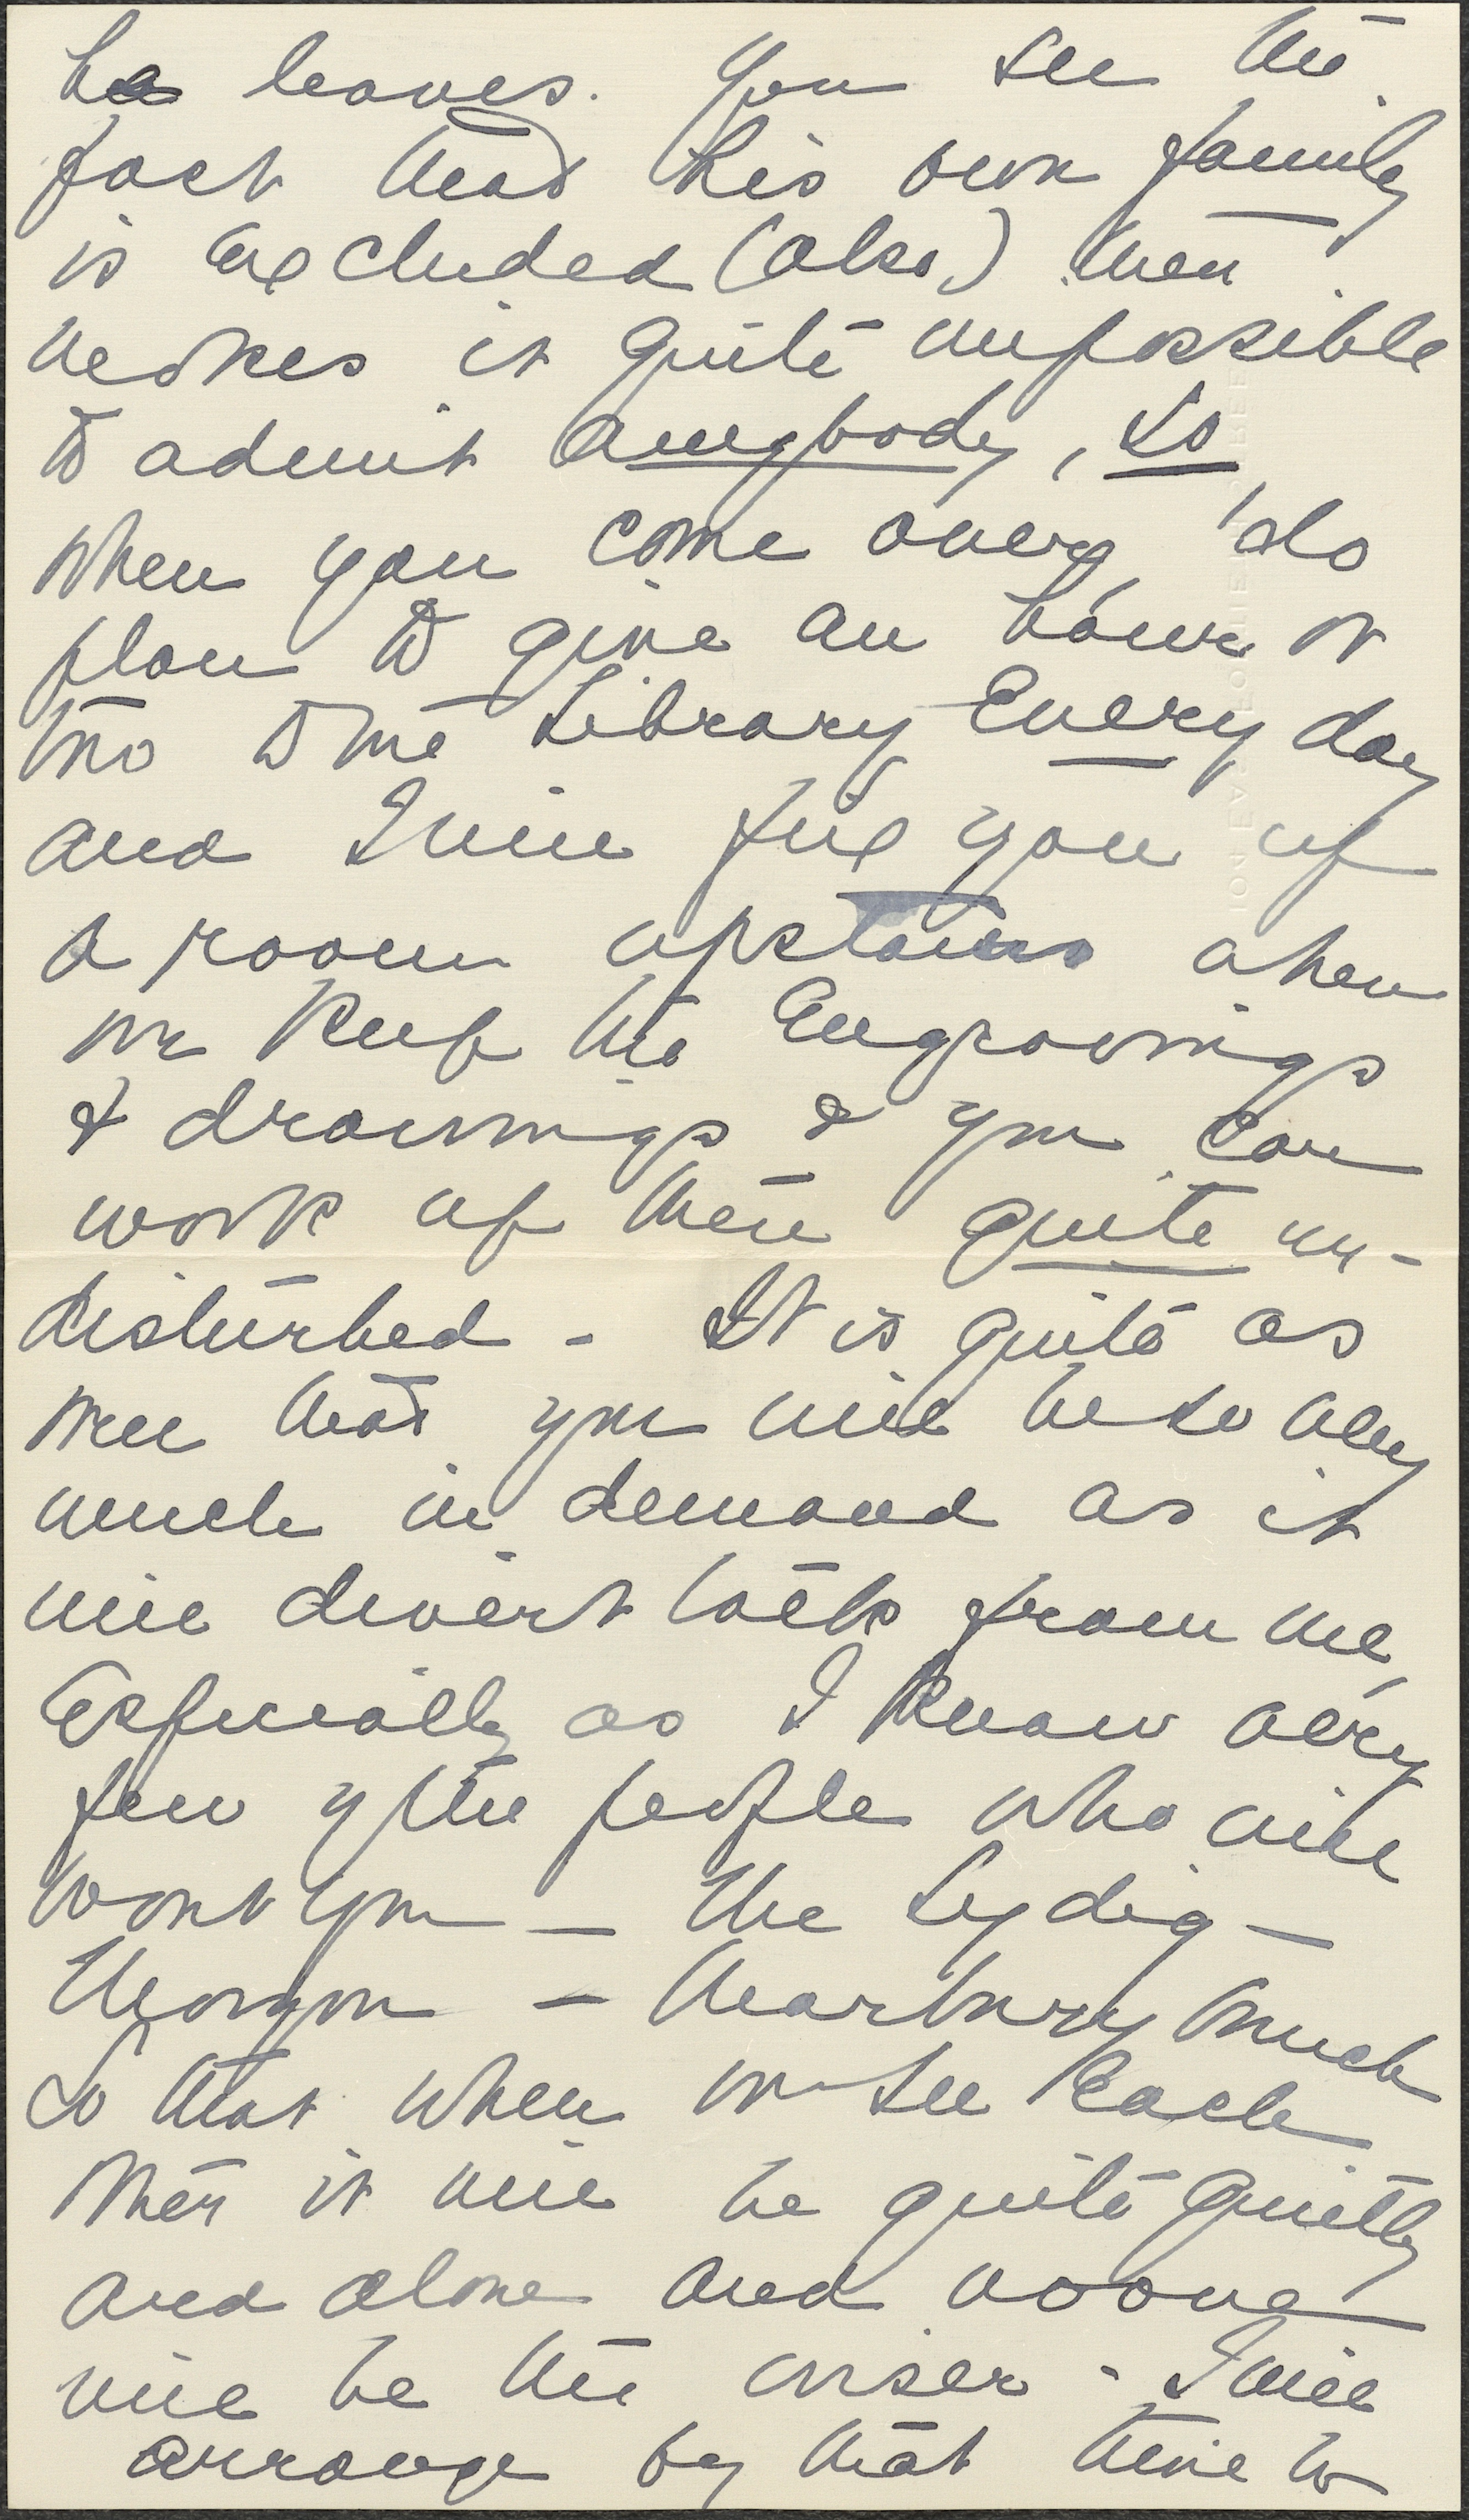he leaves. You see the fact that his own family is excluded (also) then makes it quite impossible to admit anybody, so, when you come over, do plan to give an hour or two to the Library every day and I will fix you up a room upstairs where we keep the engravings & drawings & you can work up there quite undisturbed – It is quite as well that you will be so very much in demand as it will divert talk from me, especially as I know very few of the people who will want you – the Lydig – Morgan – Marbury bunch So that when we see each other it will be quite quietly and alone and noone [sic] will be the wiser – I will arrange by that time to